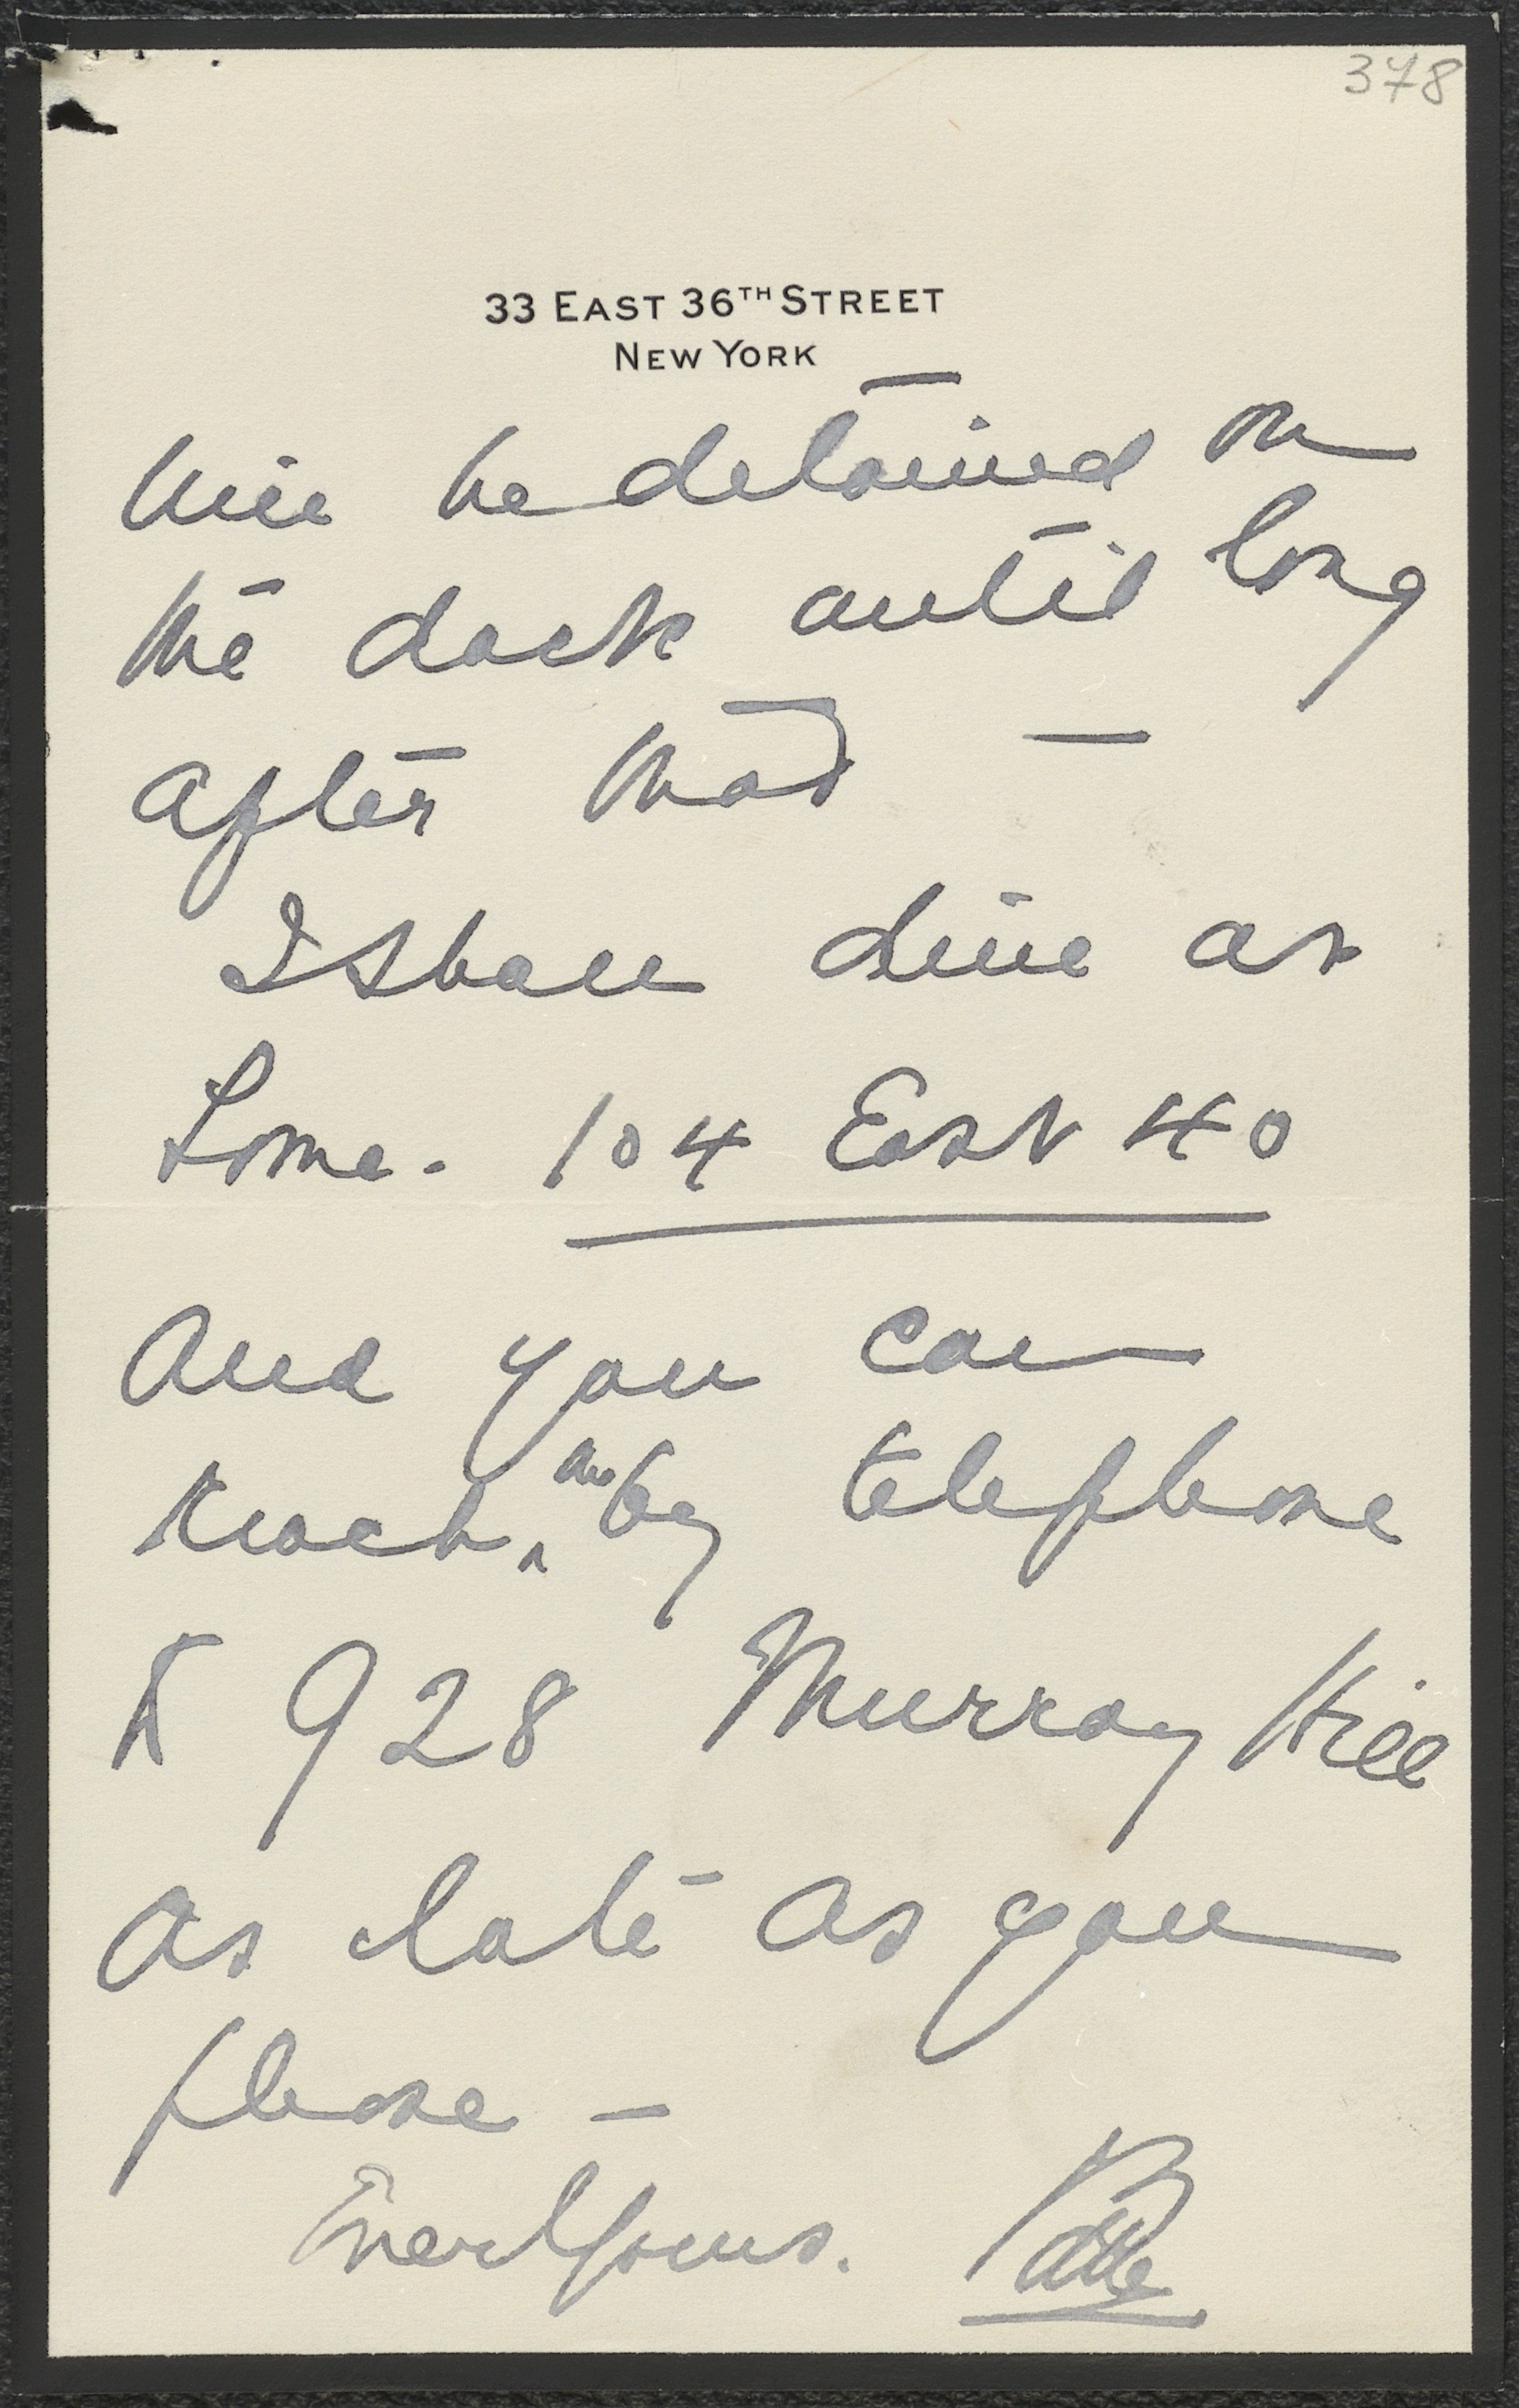will be detained on the dock until long after that –
I shall dine at home – 104 East 40 and you can reach [^me^] by telephone to 928 Murray Hill as late as you please –
Ever Yours. Belle